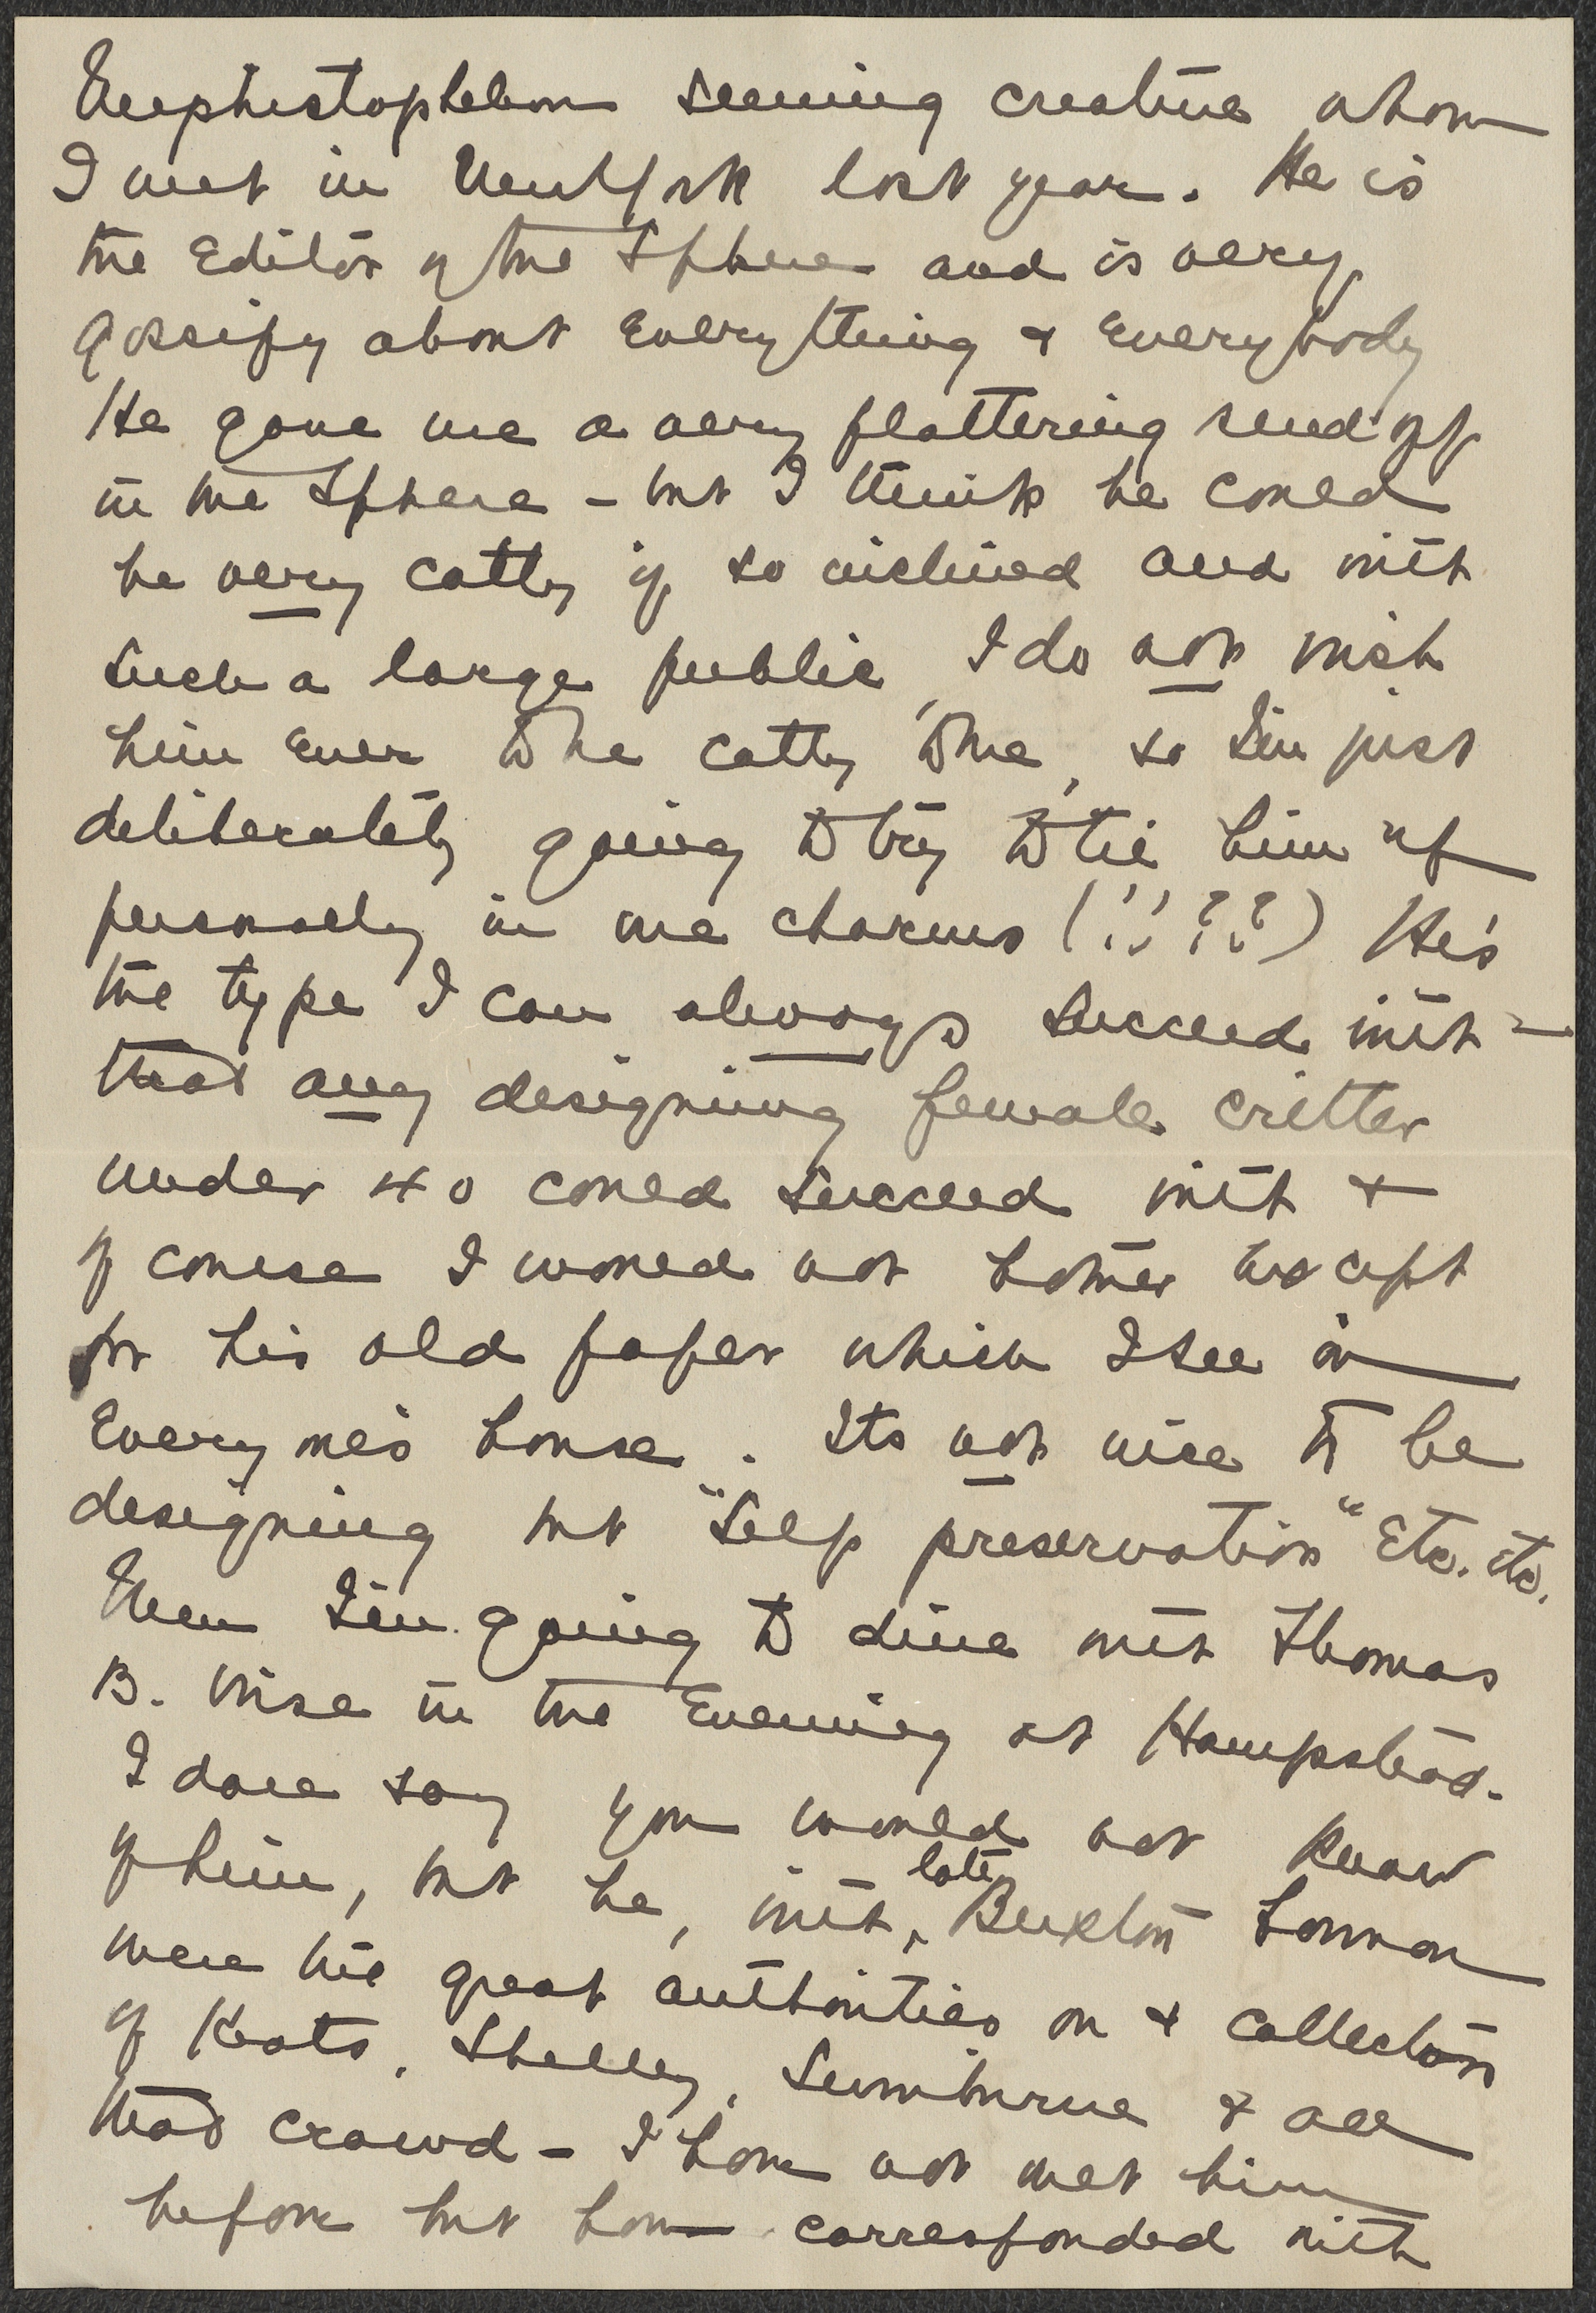mephistophelean seeming creature whom I met in New York last year. He is the editor of the Sphere and is very gossipy about everything & everybody
He gave me a very flattering send off in the Sphere – but I think he could be very catty if so inclined and with such a large public, I do not wish him ever to be catty to me, so I'm just deliberately going to try to tie him up personally in me charms (!!??) He's the type I can always succeed with – that any designing female critter under 40 could succeed with & of course I would not bother except for his old paper which I see in everyone one's house. Its not nice to be designing but "self preservation" etc. etc. Then I'm going to dine with Thomas B. Wise in the evening at Hampstead.
I dare say you would not know of him, but he, with [^late^] Buxton Forman were the great authorities on & collection of Keats, Shelley, Swinburne & all that crowd – I have not met him before but have corresponded with